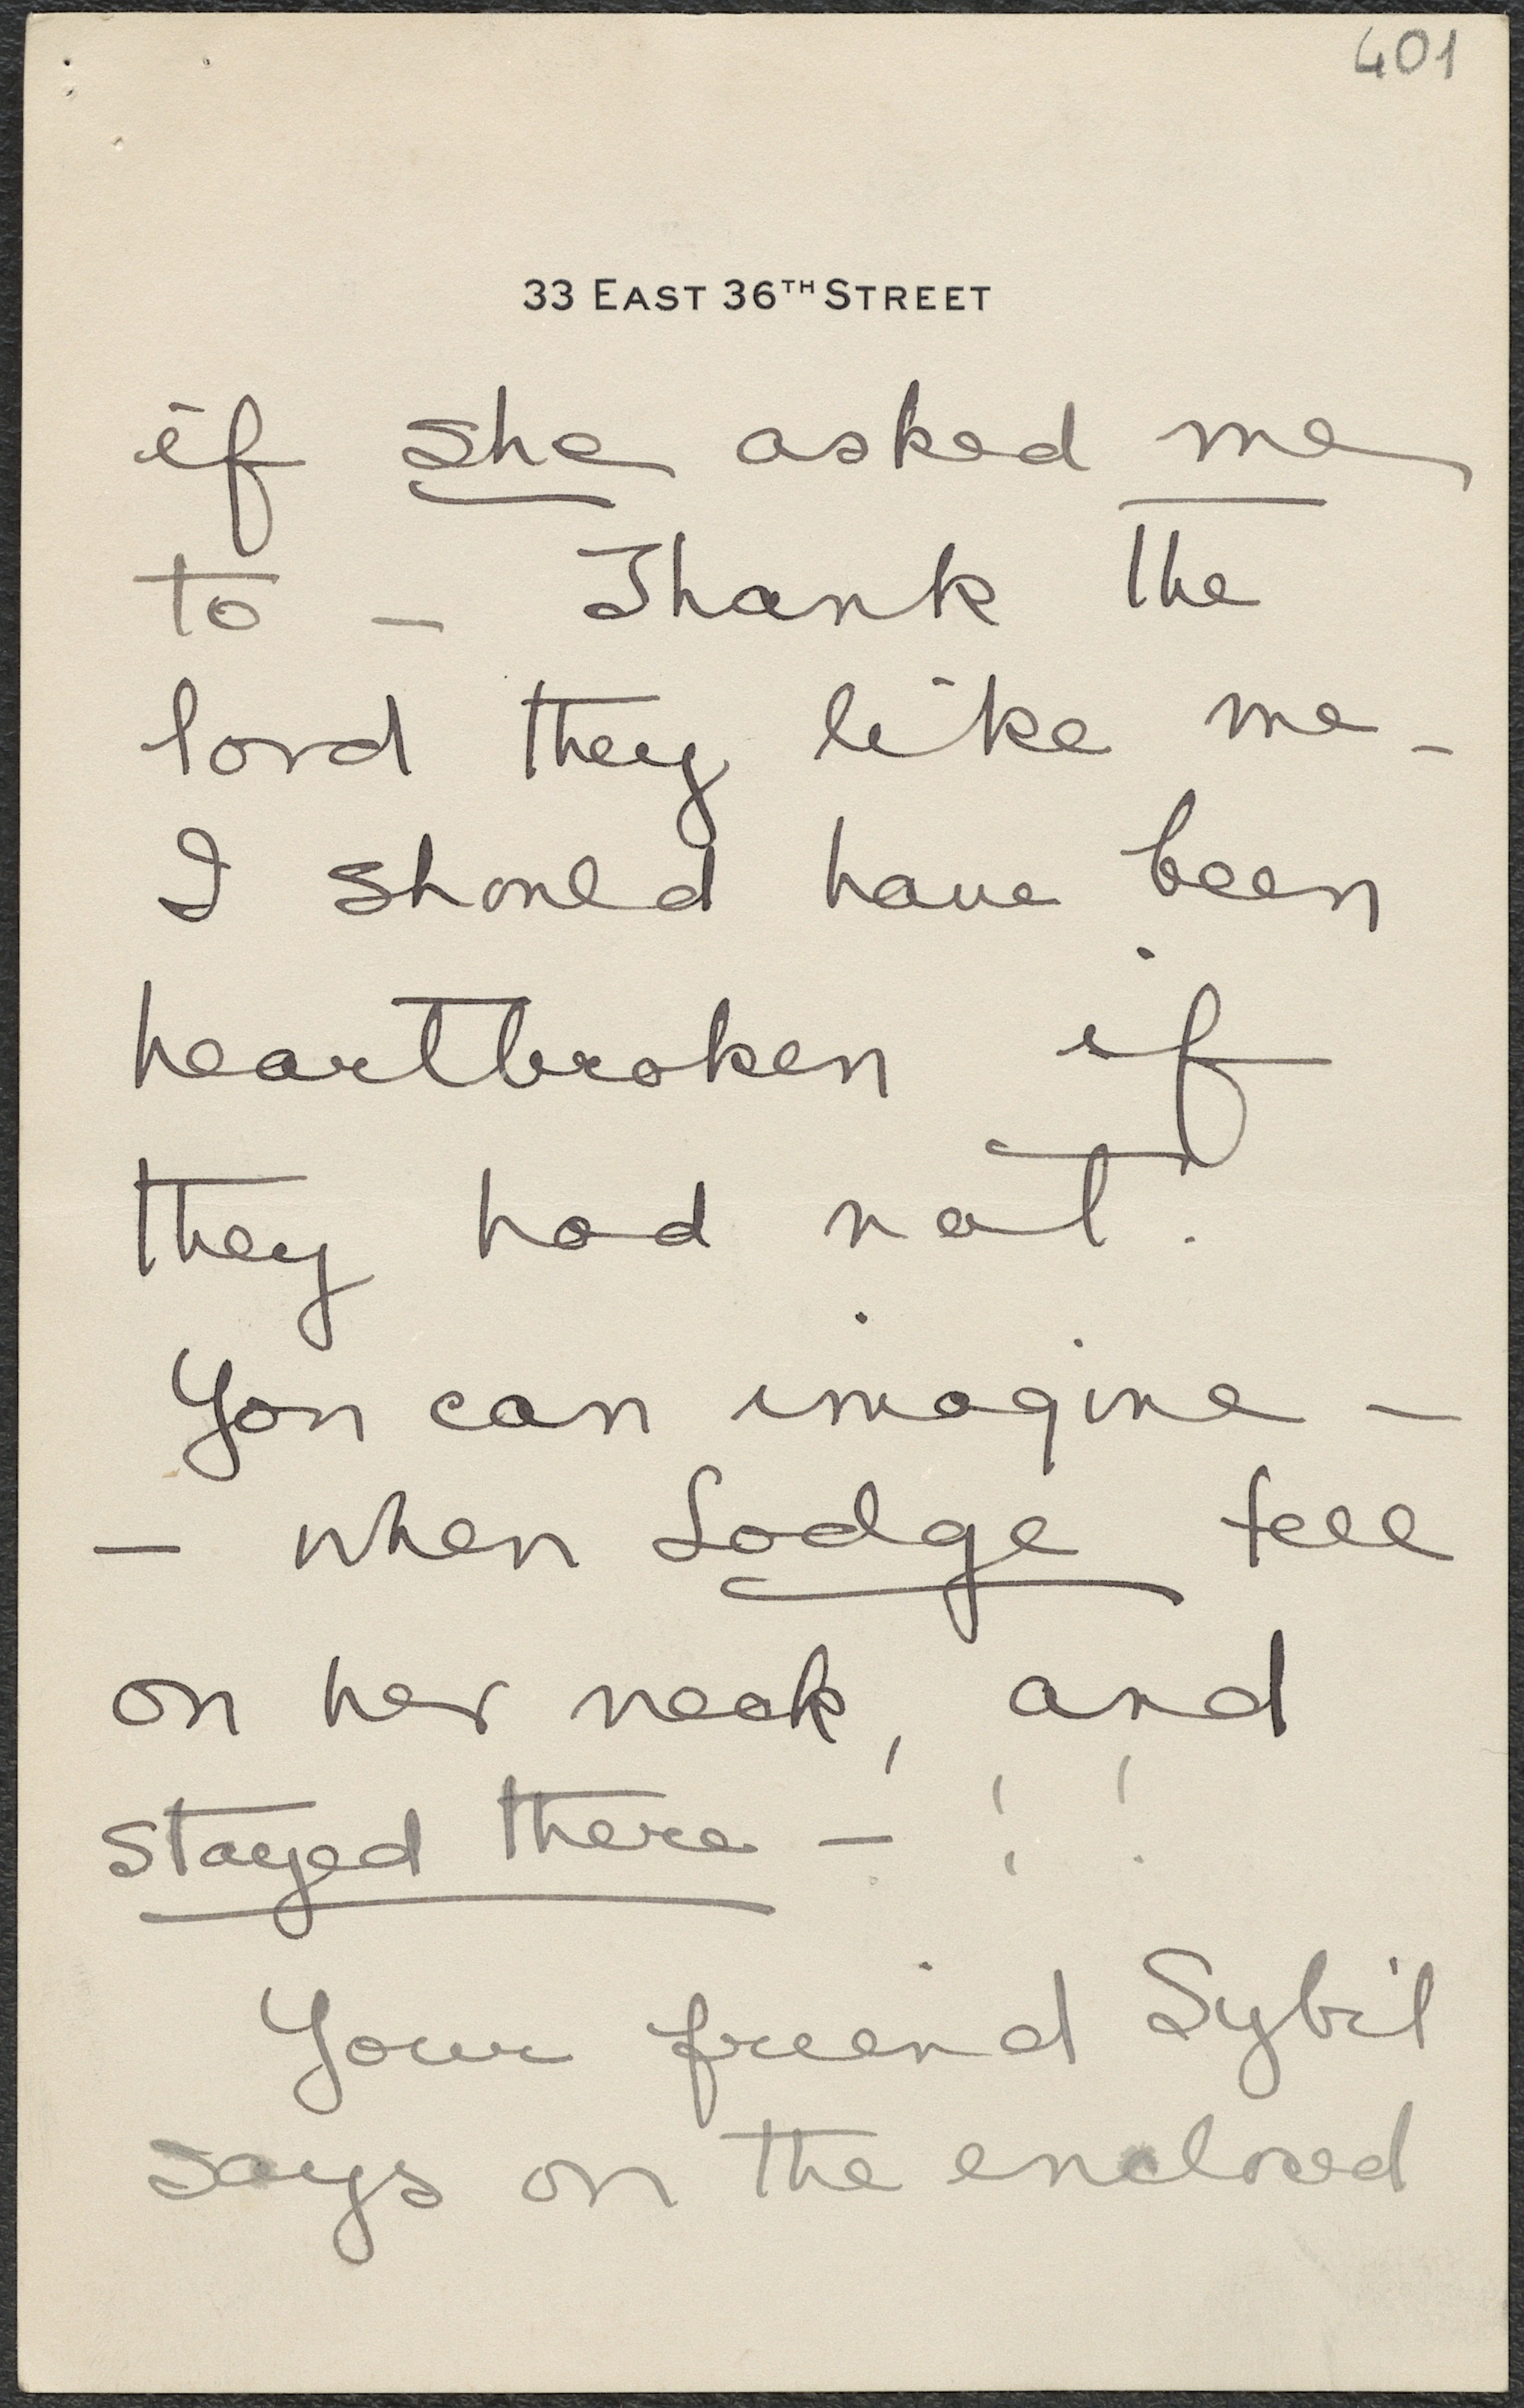if she asked me to – Thank the lord they like me – I should have been heartbroken if they had not.
You can imagine – when Lodge fell on her neck, and stayed there – !!!
Your friend Sybil says on the enclosed